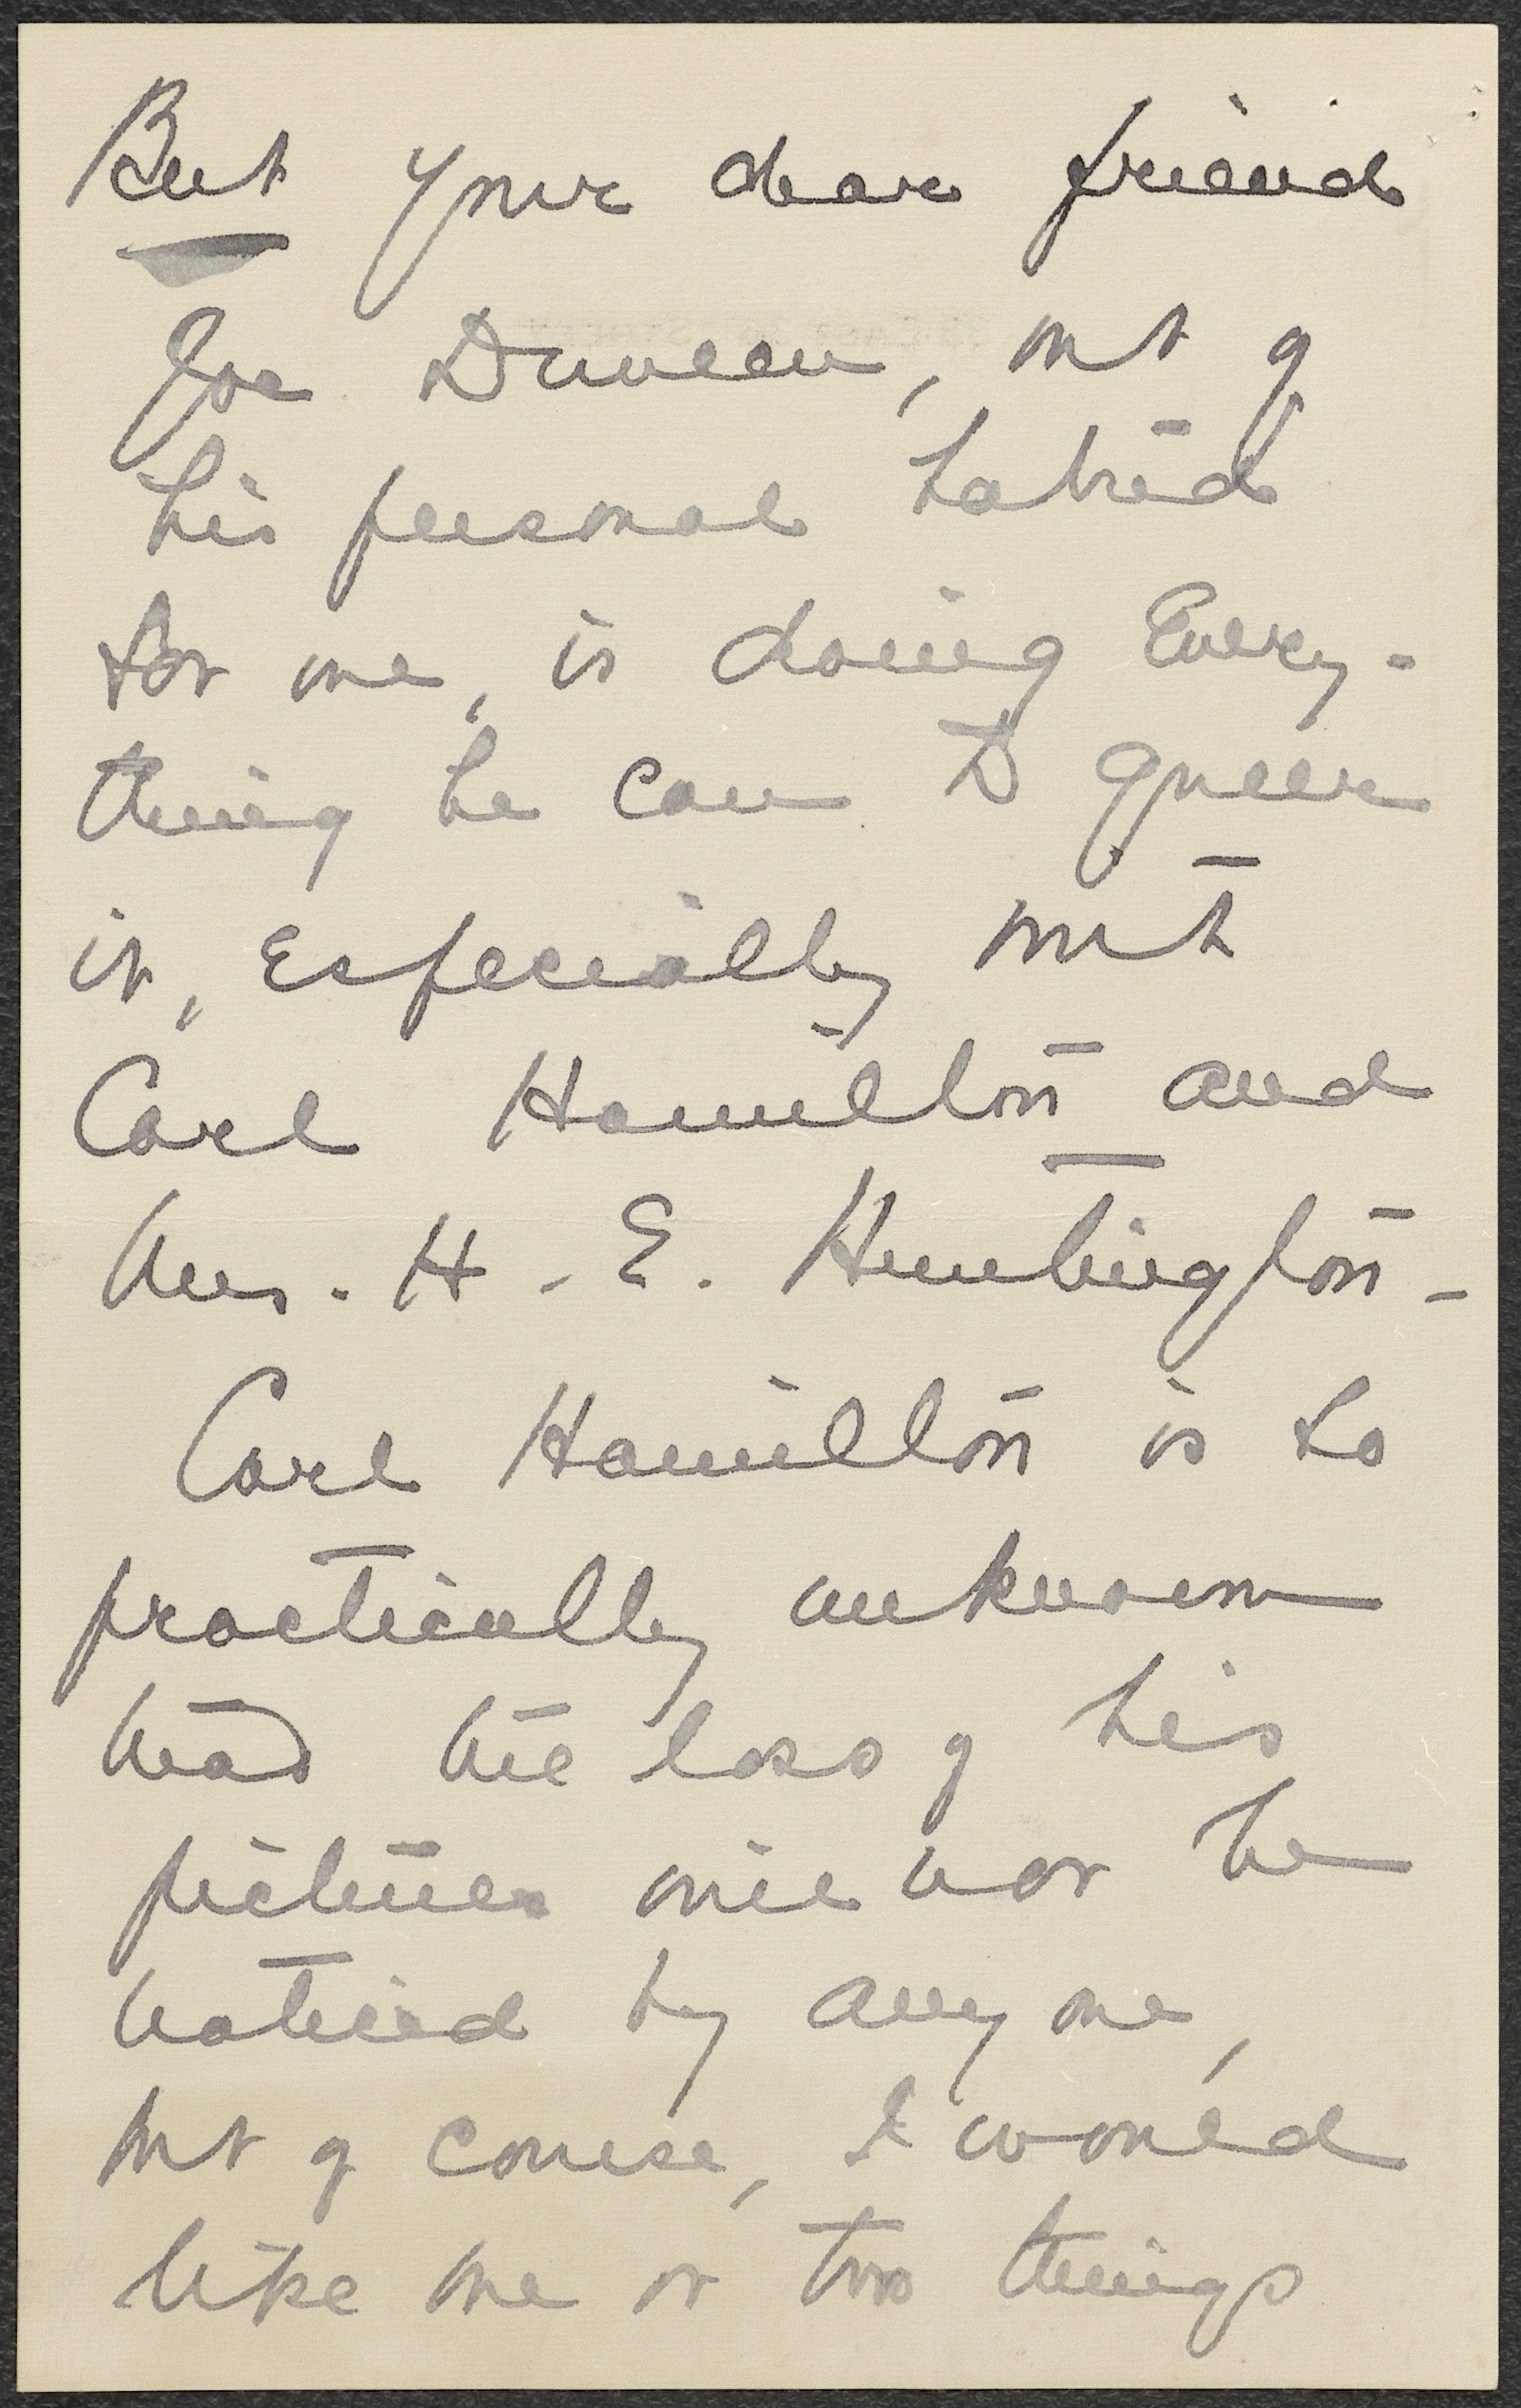But your dear friend Joe Duveen, out of his personal hatred for me, is doing everything he can to queer it, especially with Carl Hamilton and Mr. H.E. Huntington –
Carl Hamilton is so practically unknown that the loss of his pictures will not be noticed by any one, but of course, I would like one or two things